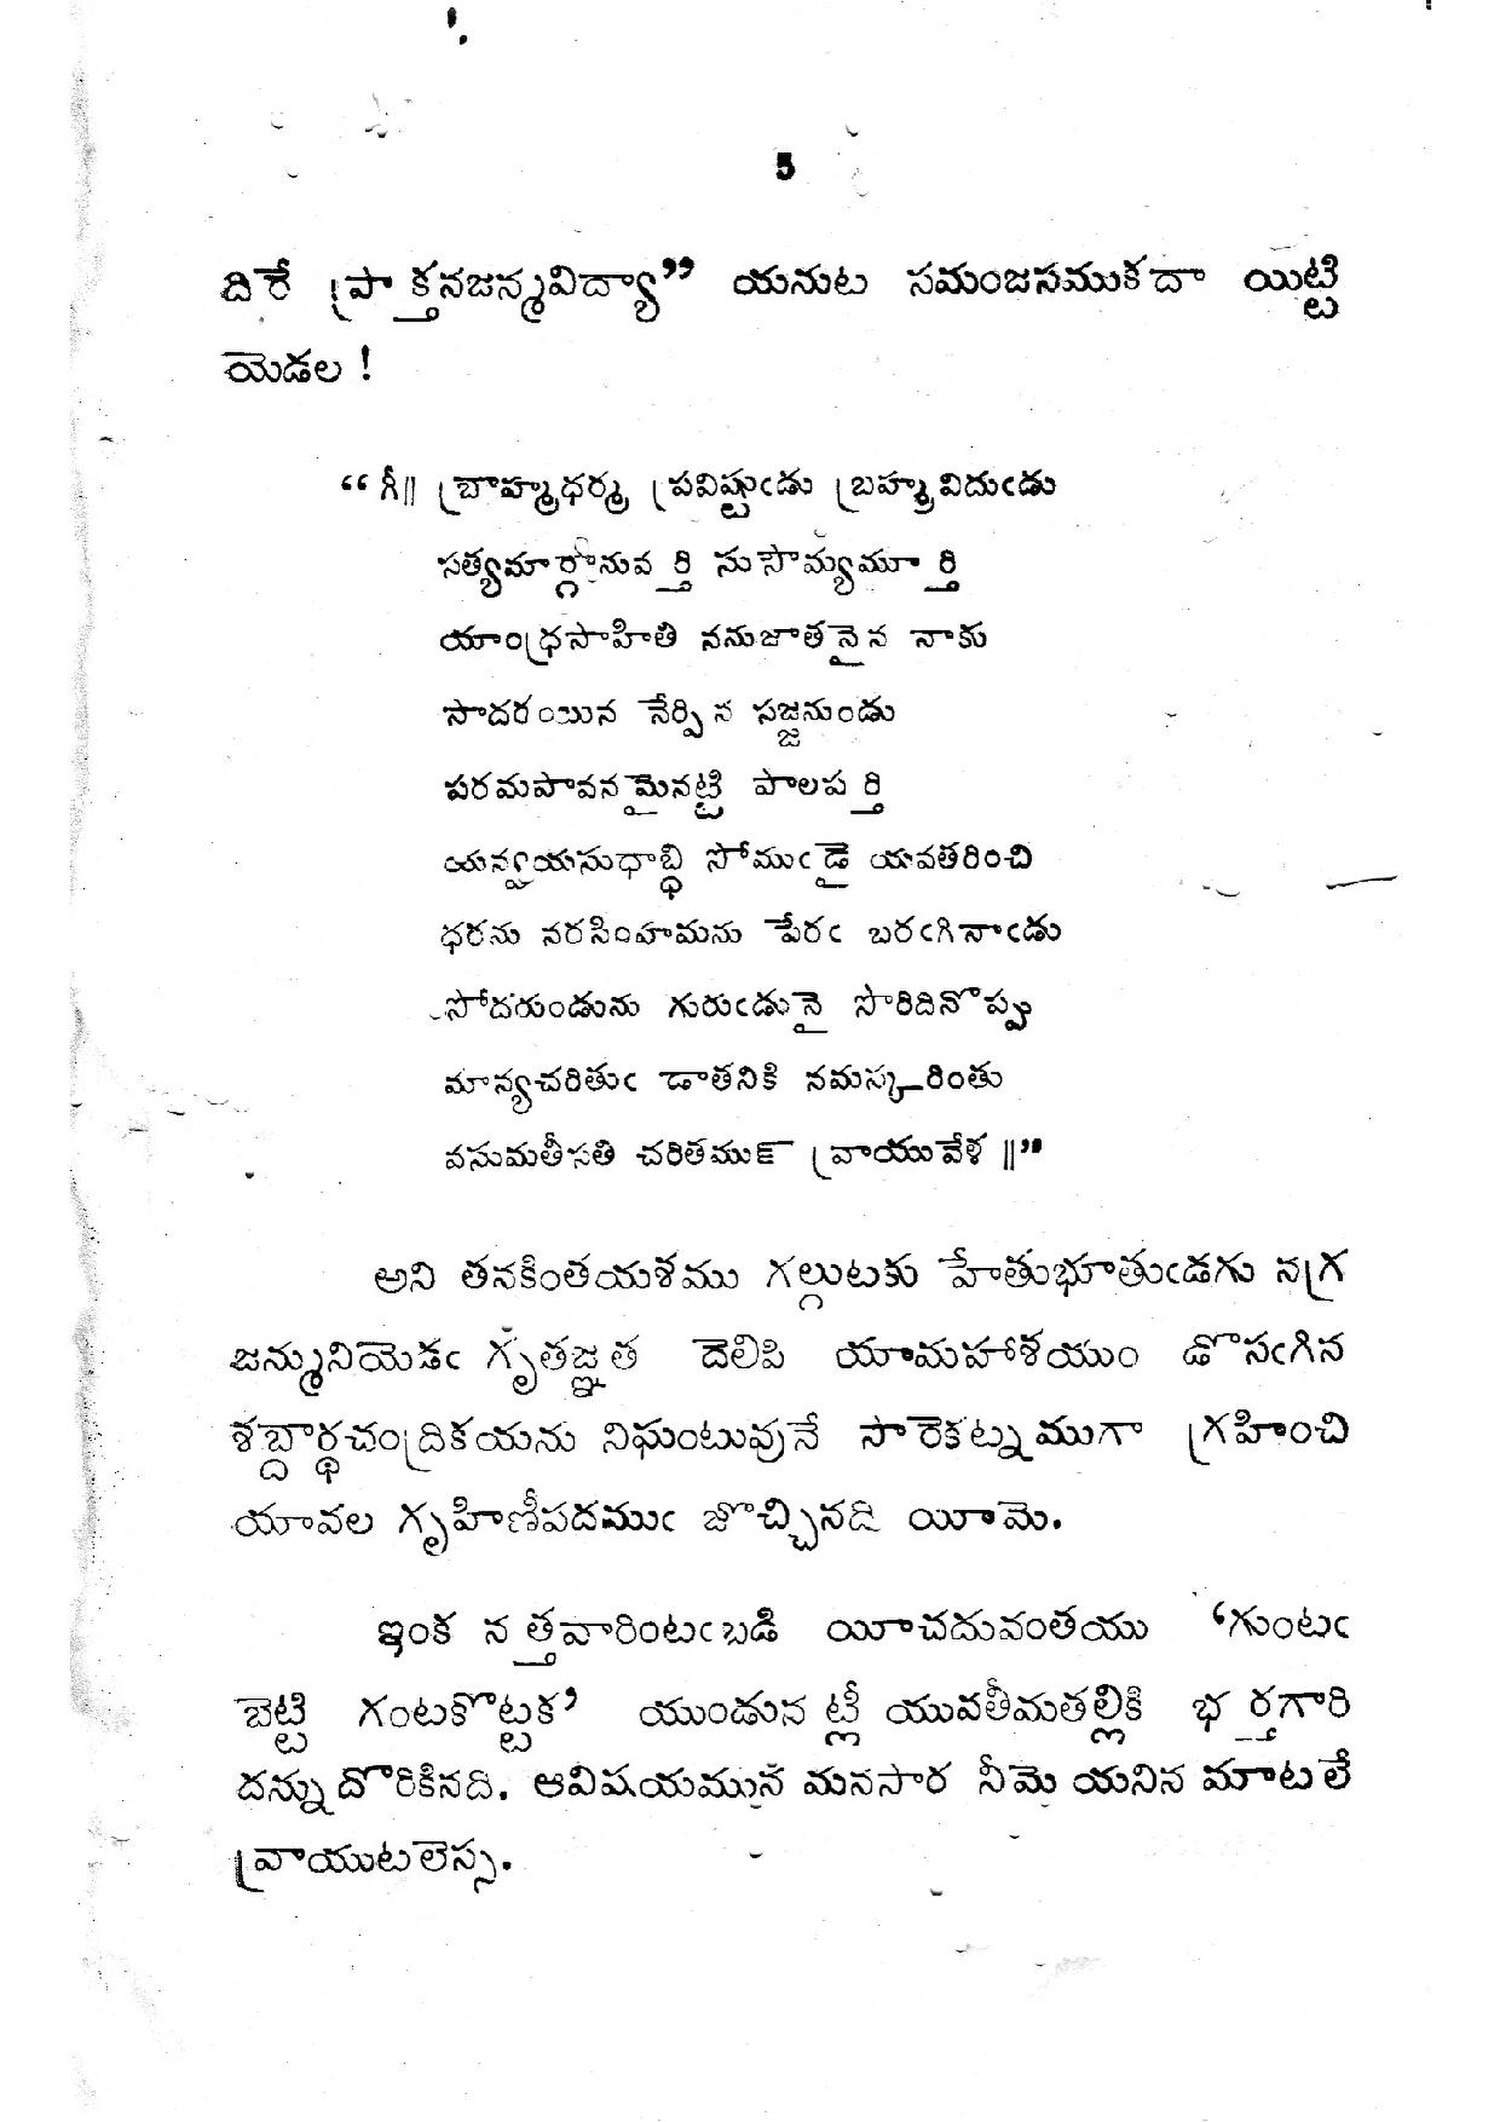దిరే ప్రాక్తనజన్మవిద్యా" యనుట సమంజసముకదా యిట్టి యెడల!

"గీ॥ బ్రాహ్మధర్మ ప్రవిష్టుఁడు బ్రహ్మవిదుఁడు
 సత్యమార్గానువర్తి సుసౌమ్యమూర్తి 
 యాంధ్రసాహితి ననుజాతనైన నాకు
 సాదరంబున నేర్పిన సజ్జనుండు
 పరమపావనమెనట్టి పాలపర్తి
 యన్వయసుధాబ్ధి సోముఁడై యవతరించి 
 ధరను నరసింహమను పేరఁ బరఁగినాఁడు 
 సోదరుండును గురుఁడునై సొరిదినొప్పు 
 మాన్యచరితుఁ డాతనికి నమస్క_రింతు 
 వసుమతీసతి చరితమున్ వ్రాయువేళ ॥"

అని తనకింతయశము గల్గుటకు హేతుభూతుఁడగు నగ్రజన్మునియెడఁ గృతజ్ఞత దెలిపి యామహాశయుం 
డొసఁగిన శబ్దార్థచంద్రికయను నిఘంటువునే సారెకట్నముగా గ్రహించి యావల గృహిణీపదముఁ జొచ్చినది యీమె.

ఇంక నత్తవారింటఁబడి యీచదువంతయు 'గుంటఁబెట్టి గంటకొట్టక' యుండున ట్లీ యువతీమతల్లికి భర్తగారి దన్నుదొరికినది. ఆవిషయమున మనసార నీమె యనిన మాటలే వ్రాయుటలెస్స.